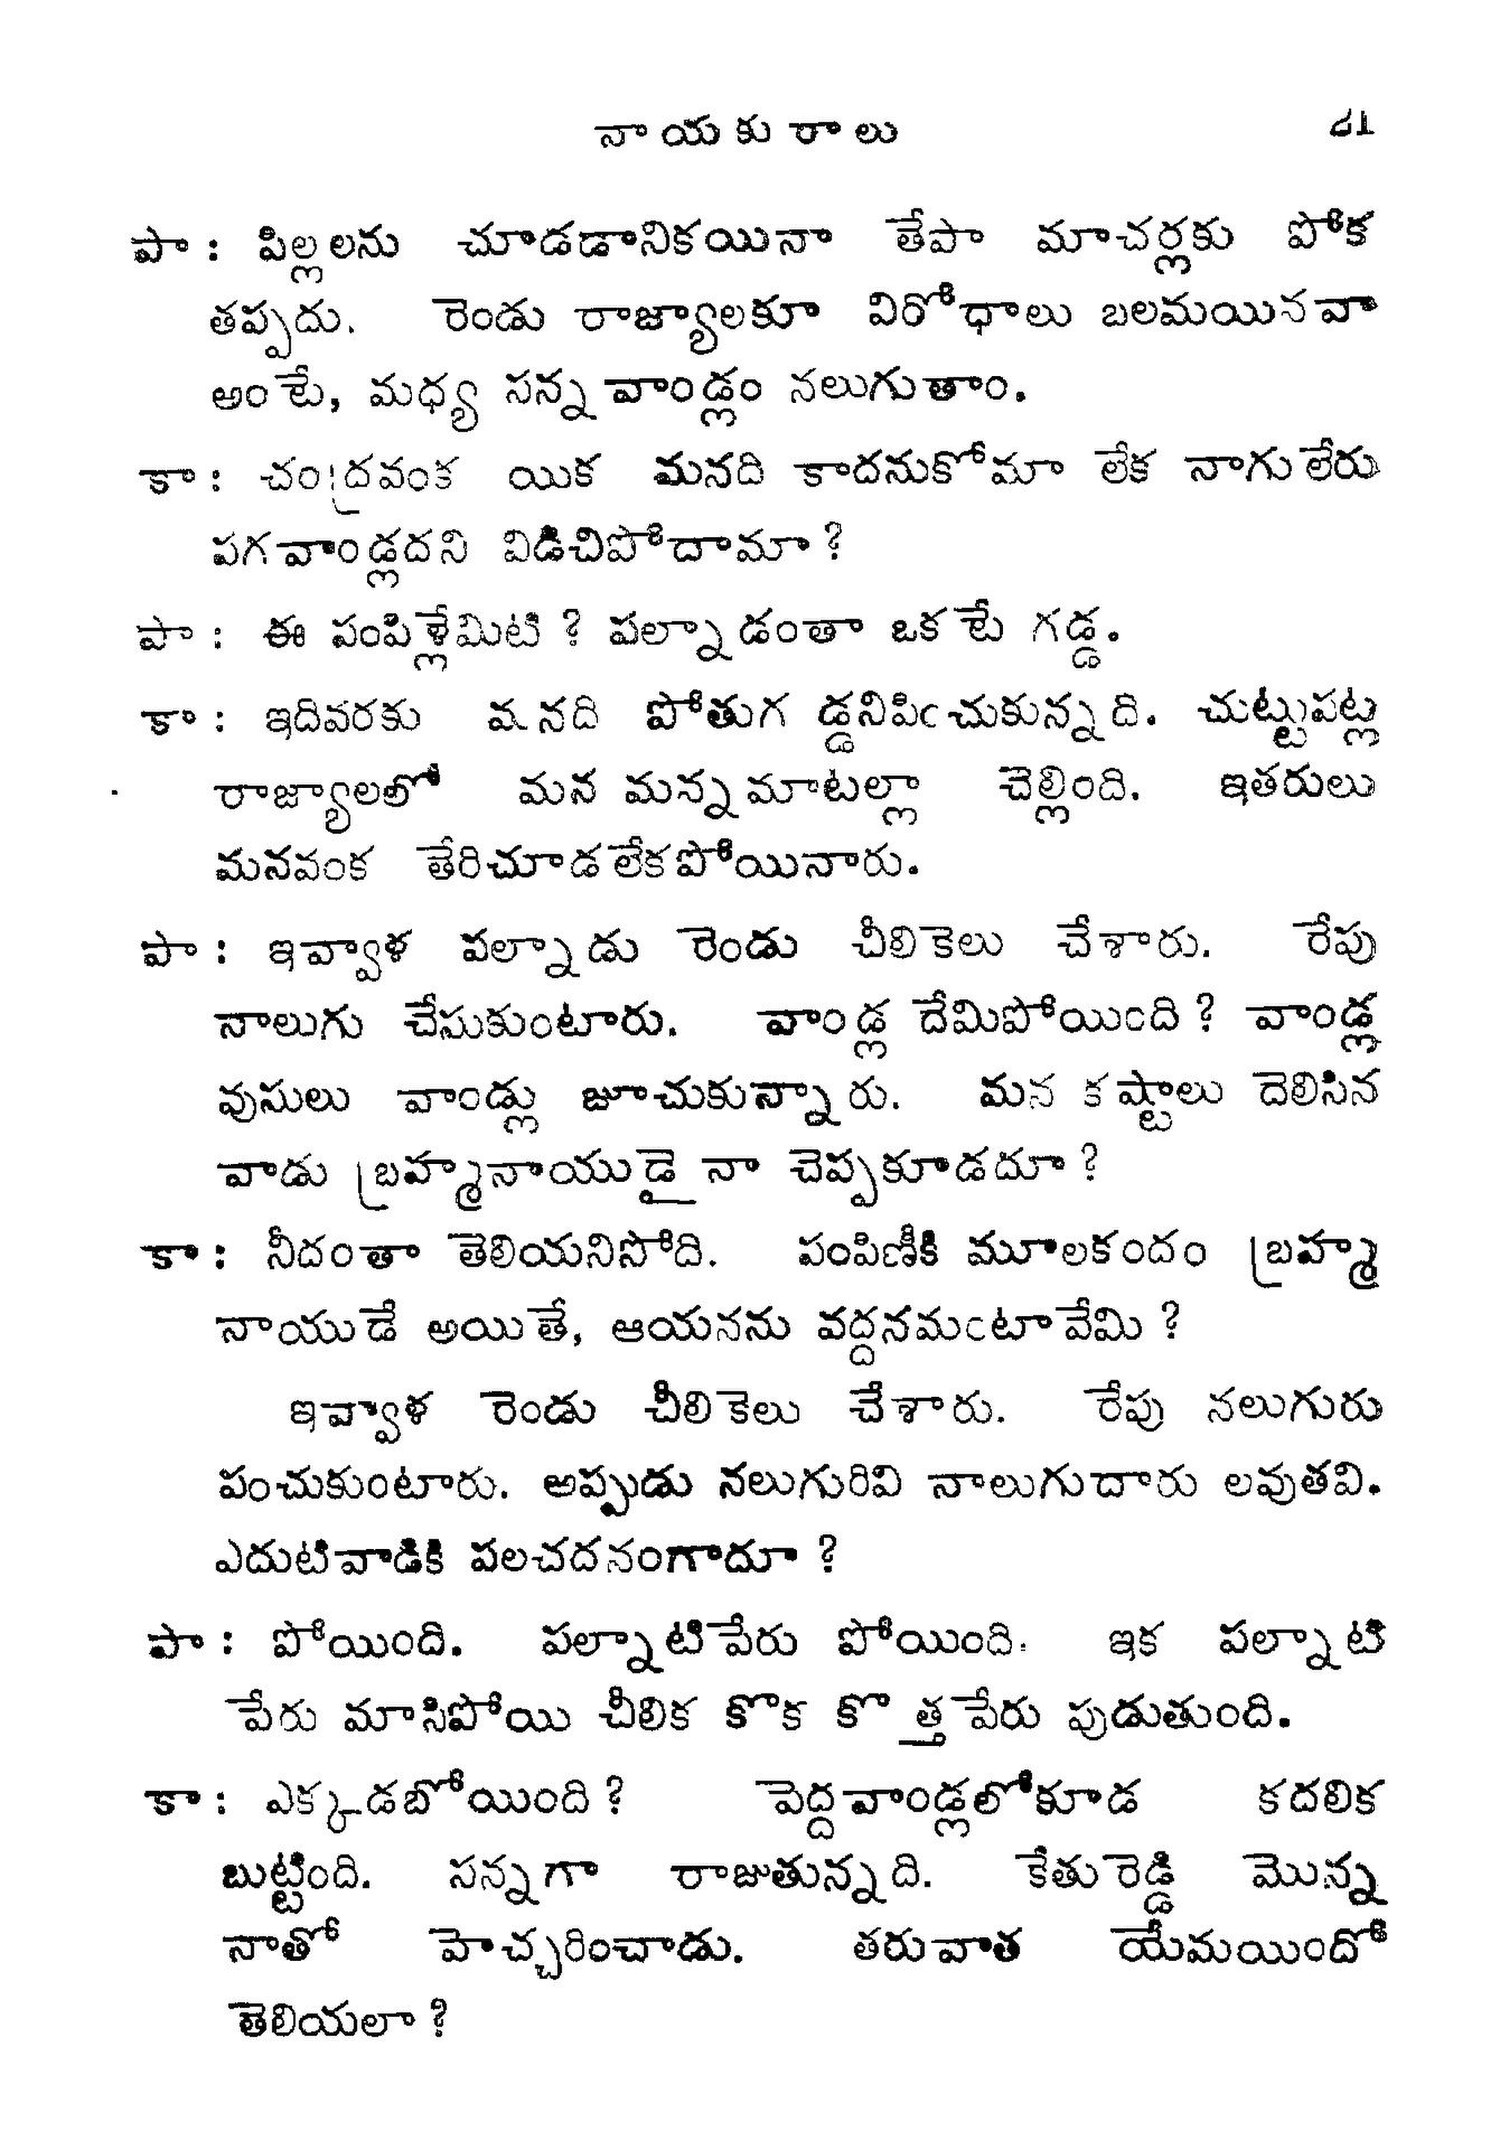పా : పిల్లలను చూడడానికయినా తేపా మాచర్లకు పోక తప్పదు. రెండు రాజ్యాలకూ విరోధాలు బలమయినవా అంటే, మధ్య సన్నవాండ్లం నలుగుతాం.

కా: చంద్రవంక యిక మనది కాదనుకోమా లేక నాగులేరు పగవాండ్లదని విడిచిపోదామా?

పా : ఈ పంపిళ్లేమిటి ? పల్నాడంతా ఒక టే గడ్డ.

కా : ఇదివరకు మనది. పోతుగ డ్డనిపించుకున్నది. చుట్టుపట్ల రాజ్యాలలో మన మన్నమాటల్లా చెల్లింది. ఇతరులు మనవంక తేరిచూడలేకపోయినారు.

పా: ఇవ్వాళ పల్నాడు రెండు చీలికెలు చేశారు. రేపు నాలుగు చేసుకుంటారు. వాండ్ల దేమిపోయింది ? వాండ్ల వుసులు వాండ్లు జూచుకున్నారు. మన కష్టాలు దెలిసినవాడు బ్రహ్మనాయుడై నా చెప్పకూడదూ?

కా: నీదంతా తెలియనిసోది. పంపిణీకి మూలకందం బ్రహ్మనాయుడే అయితే, ఆయనను వద్దనమంటావేమి ?

ఇవ్వాళ రెండు చీలికెలు చేశారు. రేపు నలుగురు పంచుకుంటారు. అప్పుడు నలుగురివి నాలుగుదారు లవుతవి. ఎదుటివాడికి పలచదనంగాదూ?

పా: పోయింది. పల్నాటిపేరు పోయింది. ఇక పల్నాటిపేరు మాసిపోయి చీలిక కొక కొత్తపేరు పుడుతుంది.

కా: ఎక్కడబోయింది ? పెద్దవాండ్లలోకూడ కదలిక బుట్టింది. సన్నగా రాజుతున్నది. కేతురెడ్డి మొన్న
నాతో హెచ్చరించాడు. తరువాత యేమయిందో తెలియలా?